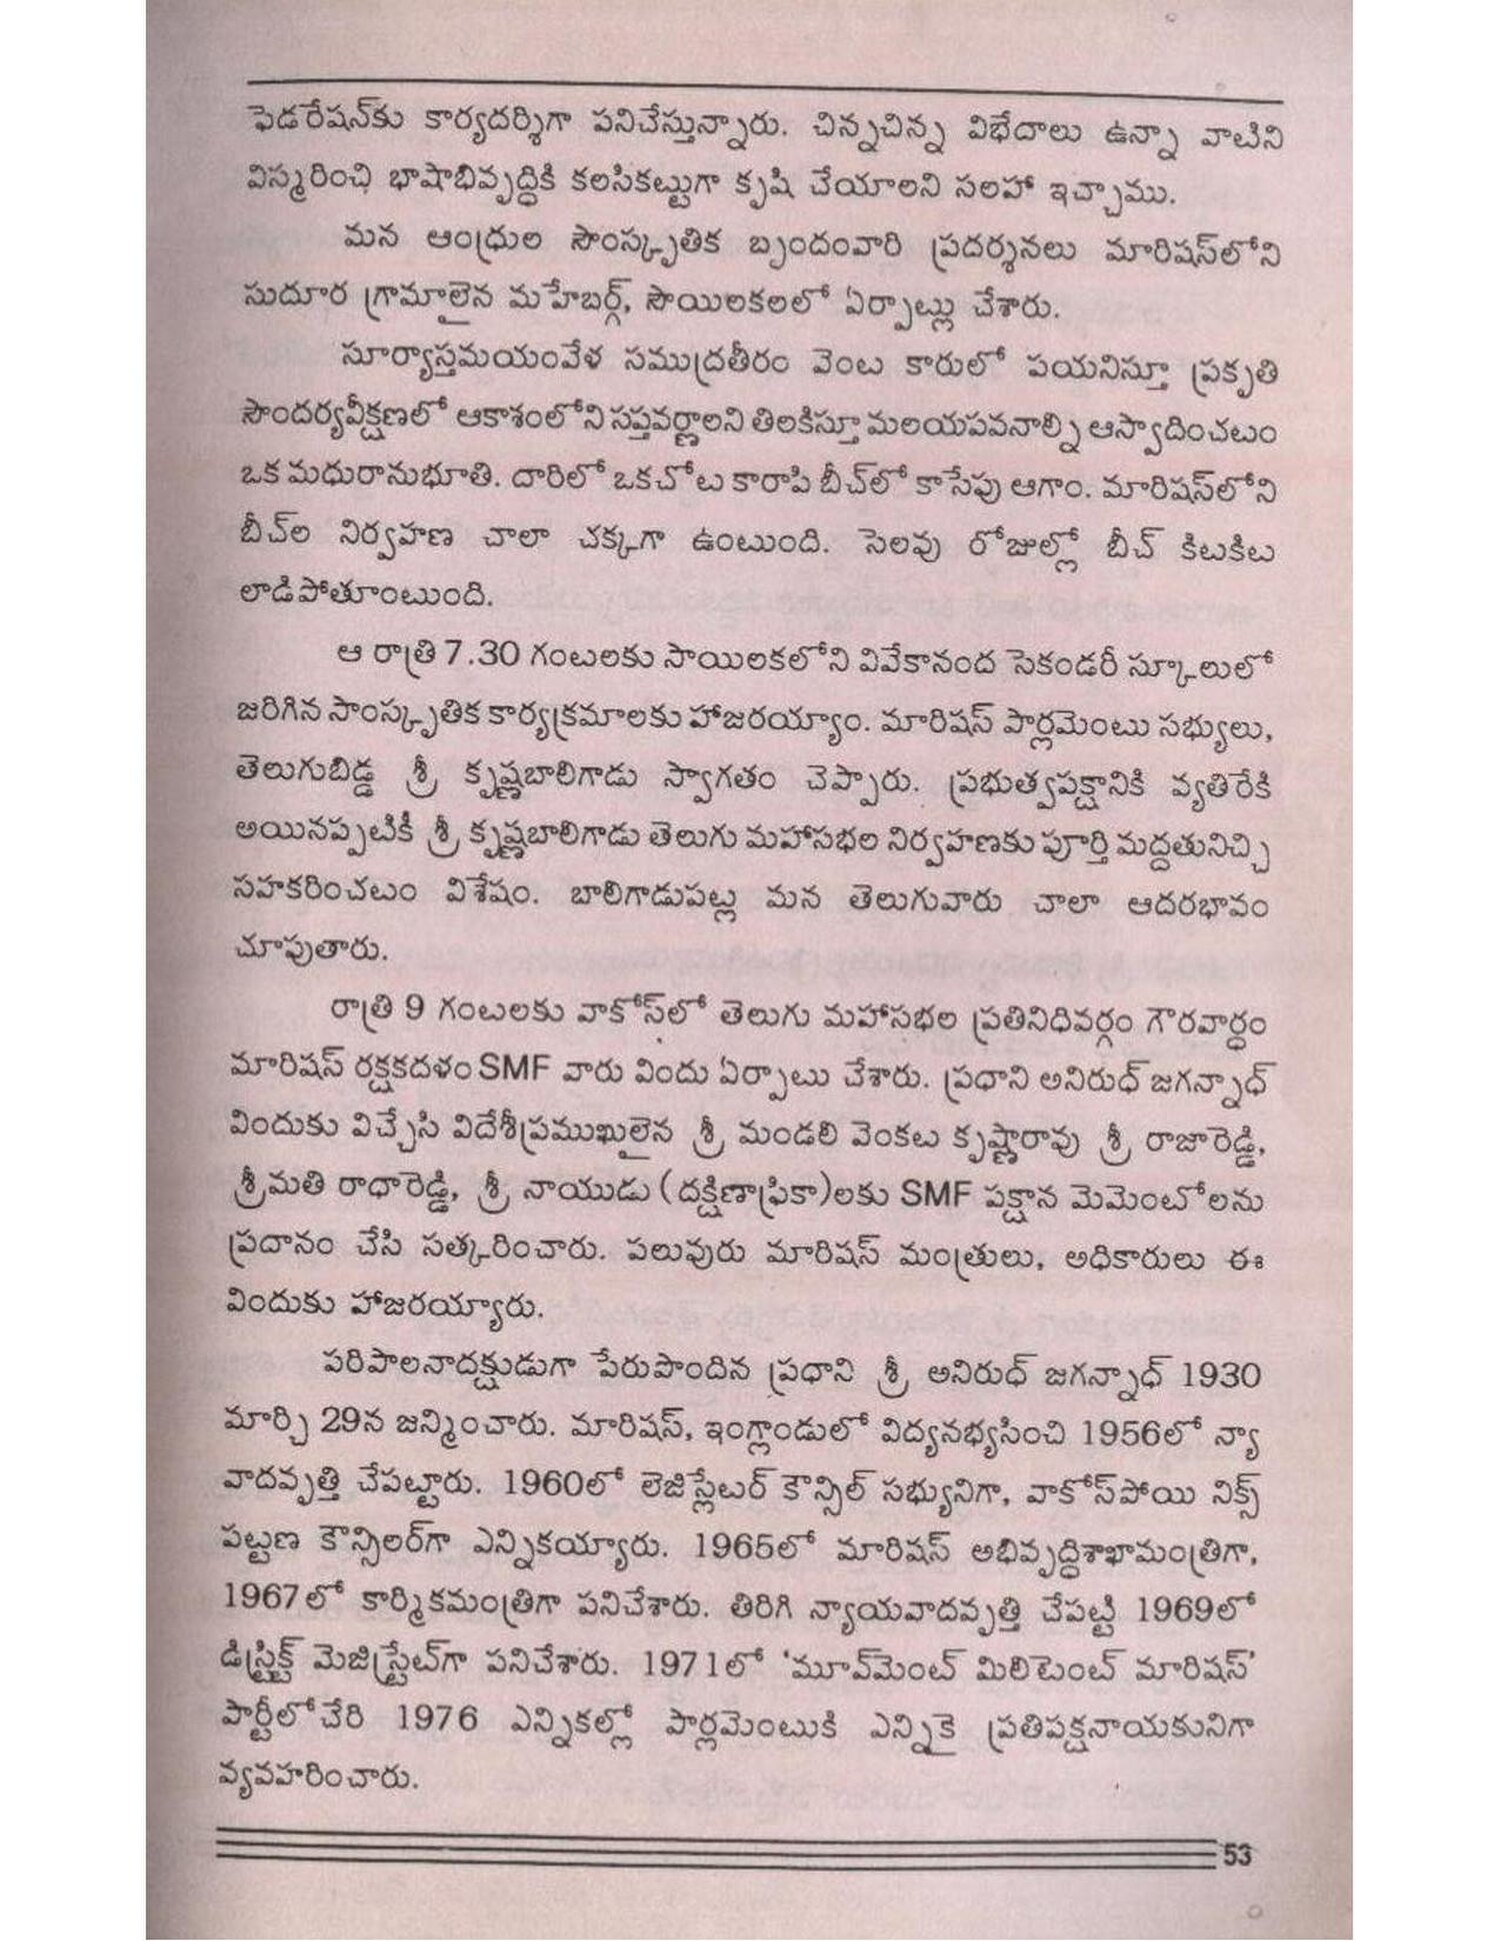ఫెడరేషన్‌కు కార్యదర్శిగా పనిచేస్తున్నారు. చిన్నచిన్న విభేదాలు ఉన్నా వాటిని విస్మరించి భాషాభివృద్ధికి కలసికట్టుగా కృషి చేయాలని సలహా ఇచ్చాము.

మన ఆంధ్రుల సౌంస్కృతిక బృందంవారి ప్రదర్శనలు మారిషస్‌లోని సుదూర గ్రామాలైన మహేబర్గ్, సాయిలకలలో ఏర్పాలు చేశారు.

సూర్యాస్తమయం వేళ సముద్రతీరం వెంట కారులో పయనిస్తూ ప్రకృతి సౌందర్యవీక్షణలో ఆకాశంలోని సప్తవర్ణాలని తిలకిస్తూ మలయపవనాల్ని ఆస్వాదించటం ఒకమధురానుభూతి. దారిలో ఒకచోట కారాపి బీచ్‌లో కాసేపు ఆగాం. మారిషస్‌లోని బీచ్‌ల నిర్వహణ చాలా చక్కగా ఉంటుంది. సెలవు రోజుల్లో బీచ్ కిటకిట లాడిపోతూంటుంది.

ఆ రాత్రి 7.30 గంటలకు సాయిలకలోని వివేకానంద సెకండరీ స్కూలులో జరిగిన సాంస్కృతిక కార్యక్రమాలకు హాజరయ్యాం. మారిషస్ పార్లమెంటు సభ్యులు, తెలుగుబిడ్డ శ్రీ కృష్ణబాలిగాడు స్వాగతం చెప్పారు. ప్రభుత్వపక్షానికి వ్యతిరేకి అయినప్పటికీ శ్రీకృష్ణబాలిగాడు తెలుగు మహాసభల నిర్వహణకు పూర్తి మద్దతునిచ్చి సహకరించటం విశేషం. బాలిగాడుపట్ల మన తెలుగువారు చాలా ఆదరభావం చూపుతారు.

రాత్రి 9 గంటలకు వాకోస్‌లో తెలుగు మహాసభల ప్రతినిధివర్గం గౌరవార్ధం మారిషస్ రక్షకదళం SMF వారు విందు ఏర్పాటు చేశారు. ప్రధాని అనిరుద్ జగన్నాధ్ విందుకు విచ్చేసి విదేశీప్రముఖులైన శ్రీ మండలి వెంకట కృష్ణారావు శ్రీ రాజారెడ్డి, శ్రీమతి రాధారెడ్డి, శ్రీ నాయుడు (దక్షిణాఫ్రికా)లకు SMF పక్షాన మెమెంటోలను ప్రదానం చేసి సత్కరించారు. పలువురు మారిషస్ మంత్రులు, అధికారులు ఈ విందుకు హాజరయ్యారు.

పరిపాలనాదక్షుడుగా పేరుపొందిన ప్రధాని శ్రీ అనిరుద్ జగన్నాధ్ 1930 మార్చి 29న జన్మించారు. మారిషస్, ఇంగ్లాండులో విద్యనభ్యసించి 1956లో న్యాయవాదవ్పత్తి చేపట్టారు. 1960లో లెజిస్లేబర్ కౌన్సిల్ సభ్యునిగా, వాకోస్‌పోయి నిక్స్ పట్టణ కౌన్సిలర్‌గా ఎన్నికయ్యారు. 1965లో మారిషస్ అభివృద్ధిశాఖామంత్రిగా 1967లో కార్మికమంత్రిగా పనిచేశారు. తిరిగి న్యాయవాదవృత్తి చేపట్టి 1969లో డిస్ట్రిక్ట్ మెజిస్ట్రేట్‌గా పనిచేశారు. 1971లో "మూవ్‌మెంట్ మిలిటెంట్ మారిషస్ పార్టీలో చేరి 1976 ఎన్నికల్లో పార్లమెంటుకి ఎన్నికై ప్రతిపక్షనాయకునిగా వ్యవహరించారు.